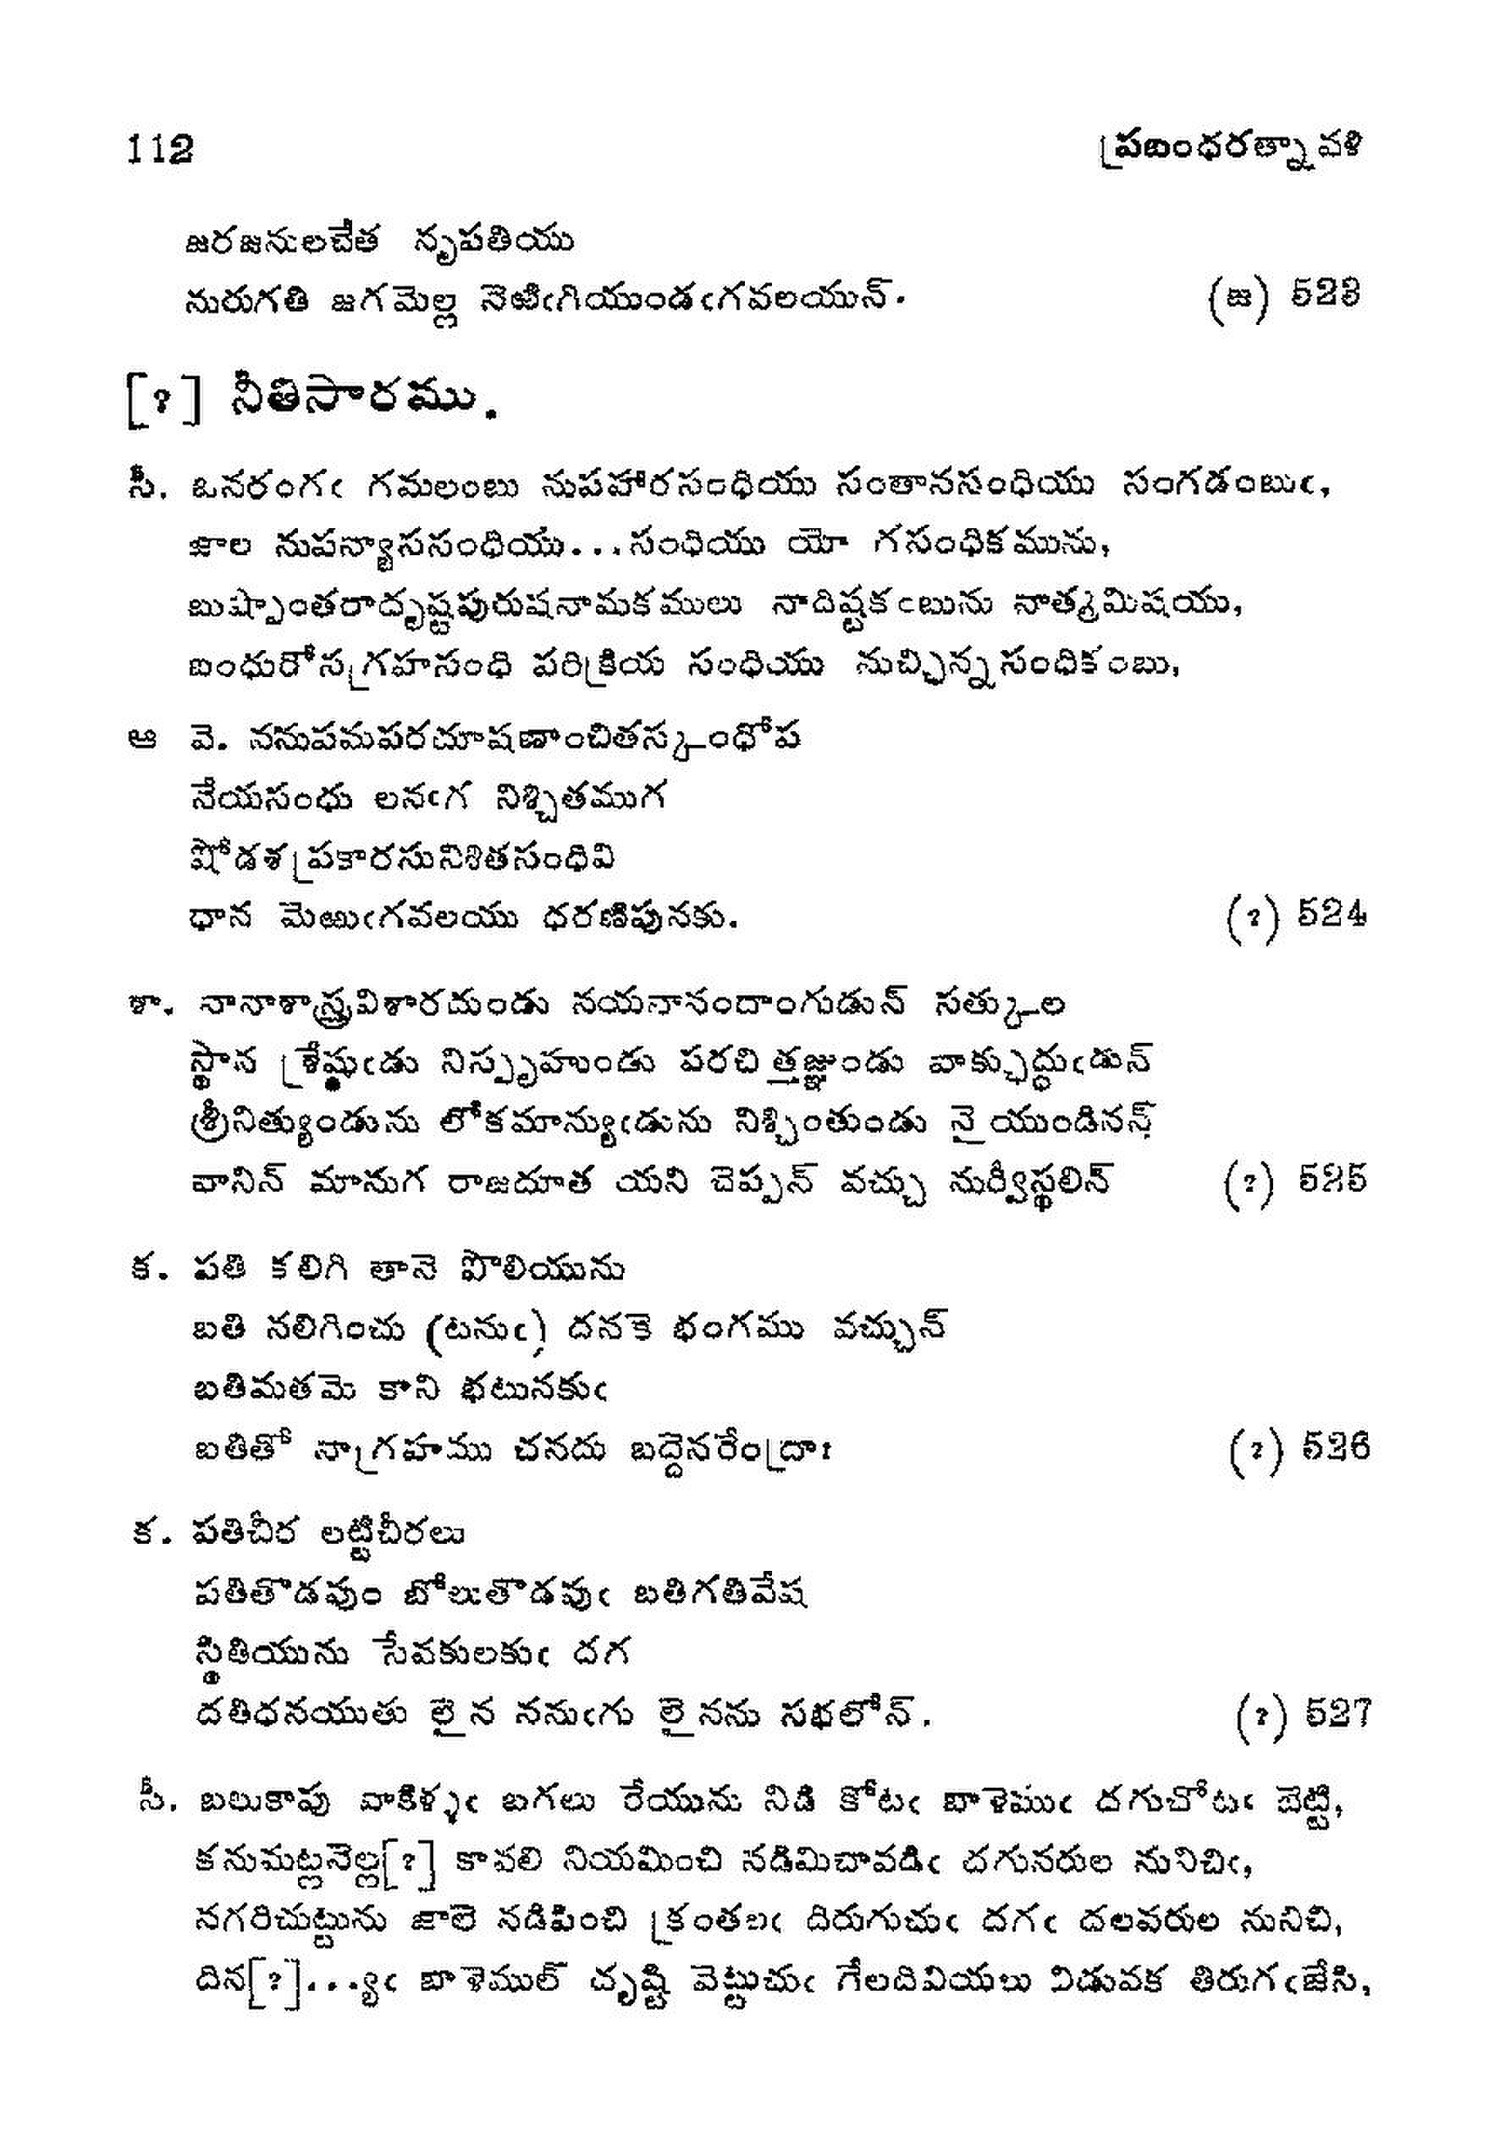జరజనులచేత నృపతియు
నురుగతి జగమెల్ల నెఱిఁగి యుండఁగ వలయున్. (జ) 523

? [నీతిసారము]
సీ. ఒనరంగఁ గమలంబు నుపహారసంధియు సంతానసంధియు సంగడంబుఁ,
జాల నుపన్యాససంధియు ................. ......సంధియు యోగసంధికమును,
బుష్పాంతరాదృష్ట పురుషనామకములు నాదిష్టకంబును నాత్మమిషయు,
బంధురోసగ్రహసంధి పరిక్రియ సంధియు నుచ్ఛిన్నసంధికంబు,
ఆ. ననుపమ పరదూషణాంచిత స్కంధోప
నేయసంధులనఁగ నిశ్చితముగ
షోడశప్రకార సునిశితసంధి వి
ధానమెఱుఁగవలయు ధరణిపునకు. (?) 524

శా. నానాశాస్త్రవిశారదుండు నయనానందాంగుడున్ సత్కుల
స్థాన శ్రేష్ఠుఁడు నిస్పృహుండు పరచిత్తజ్ఞుండు వాక్ఛుద్ధుఁడున్
శ్రీనిత్యుండును లోకమాన్యుఁడును నిశ్చింతుండునై యుండినన్
వానిన్ మానుగ రాజదూత యని చెప్పన్ వచ్చు నుర్వీస్థలిన్. (?) 525

క. పతి కలిగి తానె పొలియును
బతి నలిగించు [టనుఁ] దనకె భంగము వచ్చున్
బతిమతమె కాని భటునకుఁ
బతితో నాగ్రహము చనదు బద్దెనరేంద్రా! (?) 526

క. పతిచీర లట్టి చీరలు
పతితొడవులఁ బోలుతొడవు పతిగతివేష
స్థితియును సేవకులకుఁ దగ
దతిధనయుతు లైన ననుఁగు లైనను సభలోన్ (?) 527

సీ. బలుగాపు వాకిళ్ళఁ బగలు రేయును నిడి కోటఁ బాళెముఁ దగుచోటఁబెట్టి,
కనుమట్లనెల్ల[?] కావలి నియమించి నడిమి చావఁడిదగు నరుల నునిచి,
నగరిచుట్టును జాలె నడిపించి క్రంతలఁ దిరుగుచుఁ దగఁ దలవరుల నునిచి,
దిన[?] బాళెముల్ దృష్టి వెట్టుచుఁ గేల దివియలు విడువక తిరుగఁజేసి,